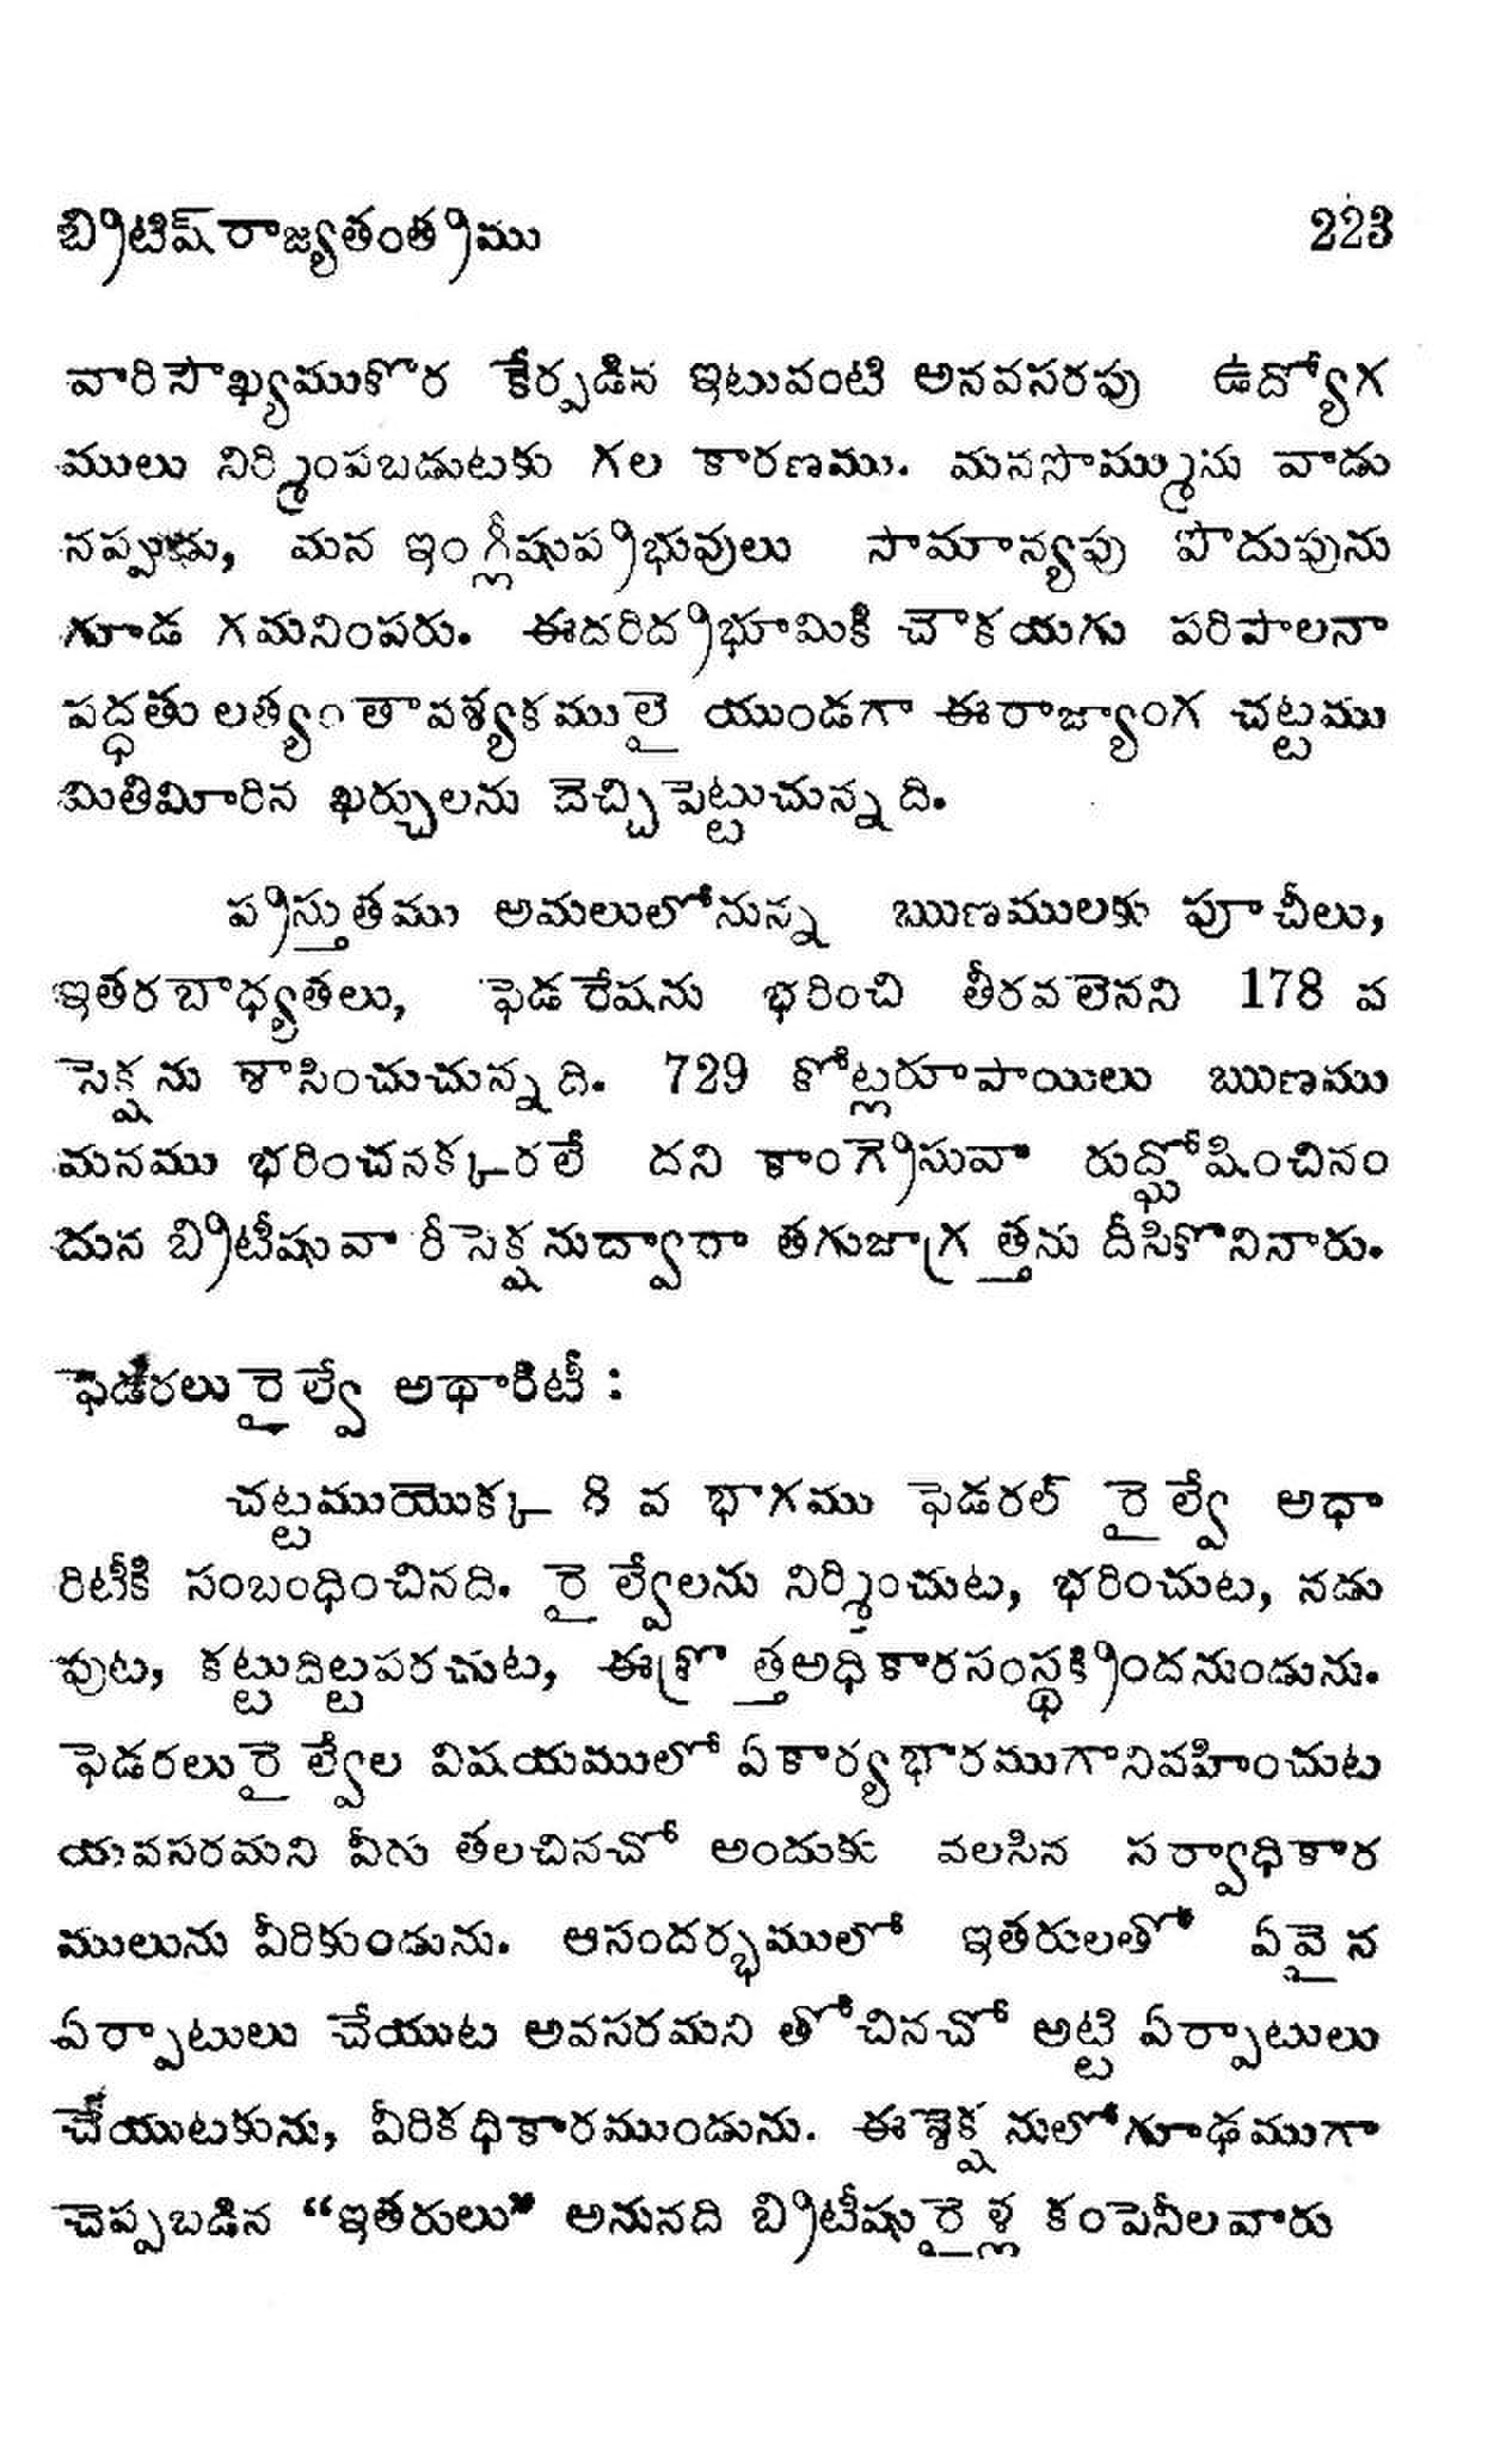వారిసౌఖ్యముకొర కేర్పడిన ఇటువంటి అనవసరపు ఉద్యోగములు నిర్మింపబడుటకు గల కారణము. మనసొమ్మును వాడునప్పుడు, మన ఇంగ్లీషుప్రభువులు సామాన్యపు పొదుపును గూడ గమనింపరు. ఈదరిద్రభూమికి చౌకయగు పరిపాలనా పద్ధతులత్యంతావశ్యకములై యుండగా ఈ రాజ్యాంగ చట్టము మితిమీరిన ఖర్చులను దెచ్చిపెట్టుచున్నది.

ప్రస్తుతము అమలులోనున్న ఋణములకు పూచీలు, ఇతరబాధ్యతలు, ఫెడరేషను భరించి తీరవలెనని 178 వ సెక్షను శాసించుచున్నది. 729 కోట్లరూపాయిలు ఋణము మనము భరించనక్కరలే దని కాంగ్రెసువా రుద్ఘోషించినందున బ్రిటీషువారీ సెక్షనుద్వారా తగుజాగ్రత్తను దీసికొనినారు. 

చట్టముయొక్క 8 వ భాగము ఫెడరల్ రైల్వే అధారిటీకి సంబంధించినది. రైల్వేలను నిర్మించుట, భరించుట, నడుపుట, కట్టుదిట్టపరచుట, ఈక్రొత్తఅధికారసంస్థక్రిందనుండును. ఫెడరలురైల్వేల విషయములో ఏ కార్యభారముగానివహించుట యవసరమని వీరు తలచినచో అందుకు వలసిన సర్వాధికారములును వీరికుండును. ఆసందర్భములో ఇతరులతో ఏవైన ఏర్పాటులు చేయుట అవసరమని తోచినచో అట్టి ఏర్పాటులు చేయుటకును, వీరికధికారముండును. ఈశెక్షనులోగూఢముగా చెప్పబడిన “ఇతరులు" అనునది బ్రిటీషురైళ్ల కంపెనీలవారు